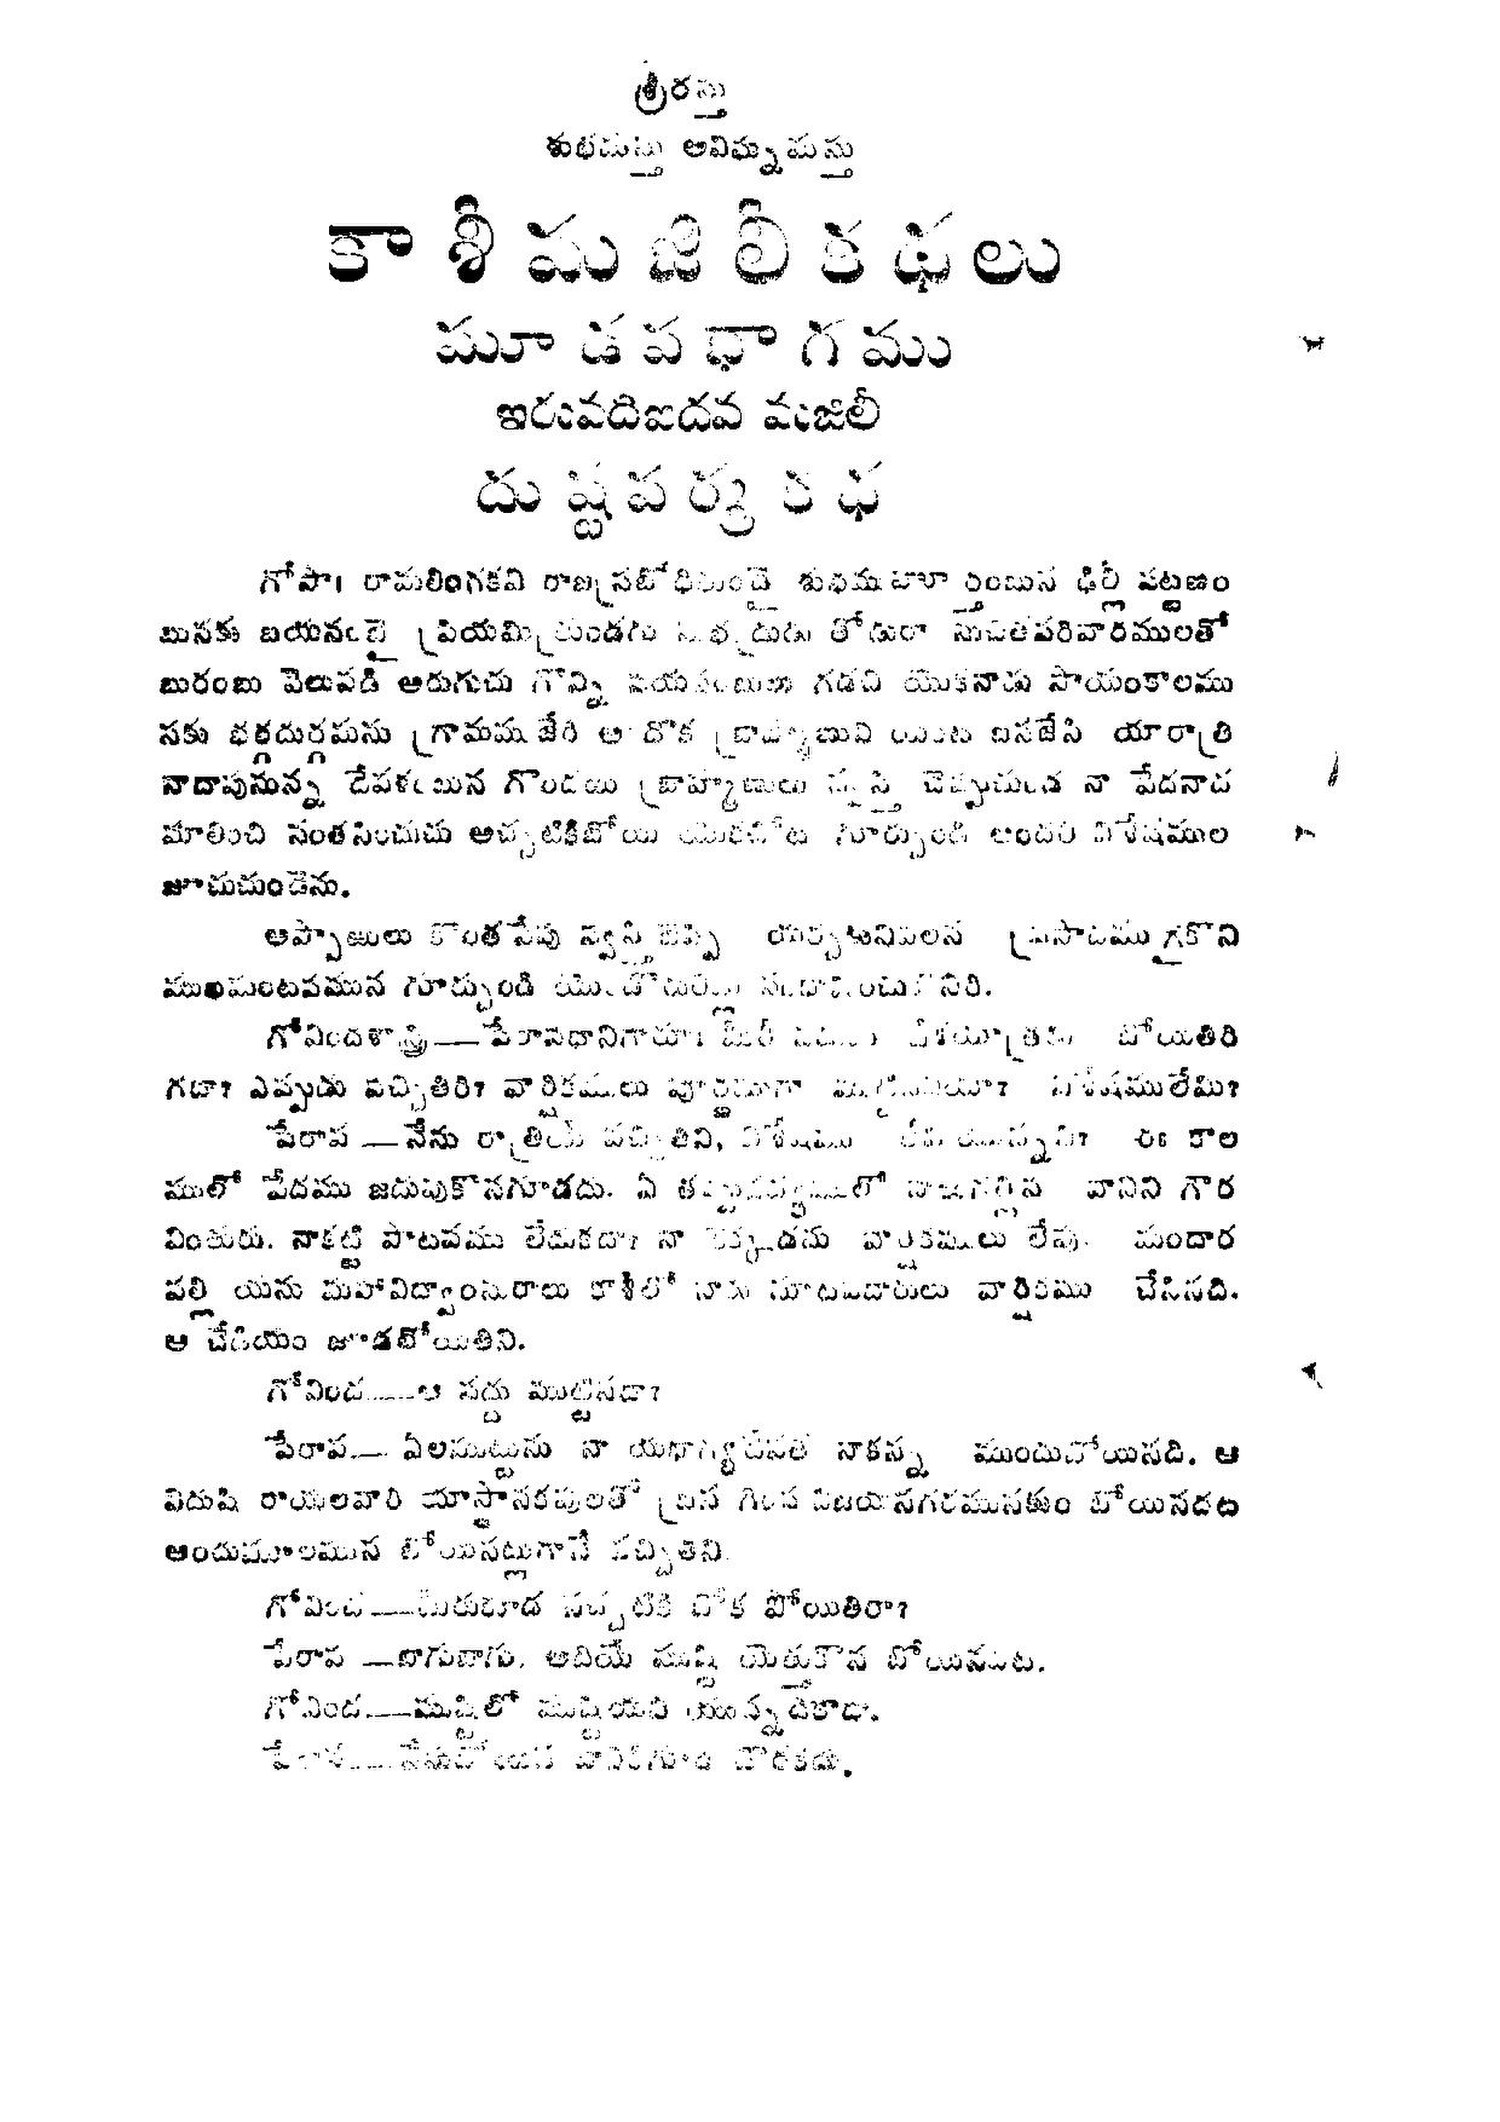కాశీమజిలీకథలు
మూడవభాగము
ఇరువదిఐదవ మజిలీ
దుష్టవర్మకథ

గోపా ! రామలింగకవి రాజప్రబోధితుండై శుభముహూర్తంబున ఢిల్లీ పట్టణంబునకు బయనంబై ప్రియమిత్రుండగు సుభద్రుడు తోడురా నుచితపరివారములతో బురంబు వెలువడి అరుగుచు గొన్ని పయనంబులు గడచి యొకనాడు సాయంకాలమునకు భర్గదుర్గమను గ్రామముజేరి అందొక బ్రాహ్మణుని యింట బసజేసి యారాత్రి నాదాపునున్న దేవళంబున గొందఱు బ్రాహ్మణులు స్వస్తి చెప్పుచుండ నా వేదనాద మాలించి సంతసించుచు అచ్చటికిబోయి యొకచోట గూర్చుండి అందరి విశేషముల జూచుచుండెను.

అప్పాఱులు కొంతసేపు స్వస్తిజెప్పి యర్చకునివలన ప్రసాదము గైకొని ముఖమంటపమున గూర్చుండి యొండొరులిట్లు సంభాషించుకొనిరి.

గోవిందశాస్త్రి - పేరావధానిగారూ! మీరీ మధ్య దేశయాత్రకు బోయితిరిగదా ? ఎప్పుడు వచ్చితిరి? వార్షికములు పూర్ణముగా ముట్టినవియా ? విశేషములేమి?

పేరావ - నేను రాత్రియే వచ్చితిని. విశేషము లేమియున్నవి? ఈ కాలములో వేదము జదువుకొనగూడదు. ఏ తప్పుపద్యములో నాలుగల్లిన వానిని గౌరవింతురు. నాకట్టి పాటవము లేదుకదా? నా కెక్కడను వార్షికములు లేవు. మందారవల్లి యను మహావిద్వాంసురాలు కాశీలో నాకు నూటపదారులు వార్షికము చేసినది. ఆ చేడియం జూడబోయితిని.

గోవింద - ఆ పద్దు ముట్టినదా?

పేరావ - ఏలముట్టును నా యభాగ్యదేవత నాకన్న ముందుబోయినది. ఆ విదుషి రాయలవారి యాస్థానకవులతో బ్రసంగింప విజయనగరమునకుం బోయినదట అందుమూలమున బోయినట్లుగానే వచ్చితిని

గోవింద --- మీరుకూడ నచ్చటికి బోక పోయితిరా?

పేరావ -- బాగుబాగు. అదియే ముష్టి యెత్తుకొన బోయినదట.

గోవింద - ముష్టిలో ముష్టియని యున్నదికాదా.

పేరావ - నేనుబోయిన దానికిగూడ దొరకదు.